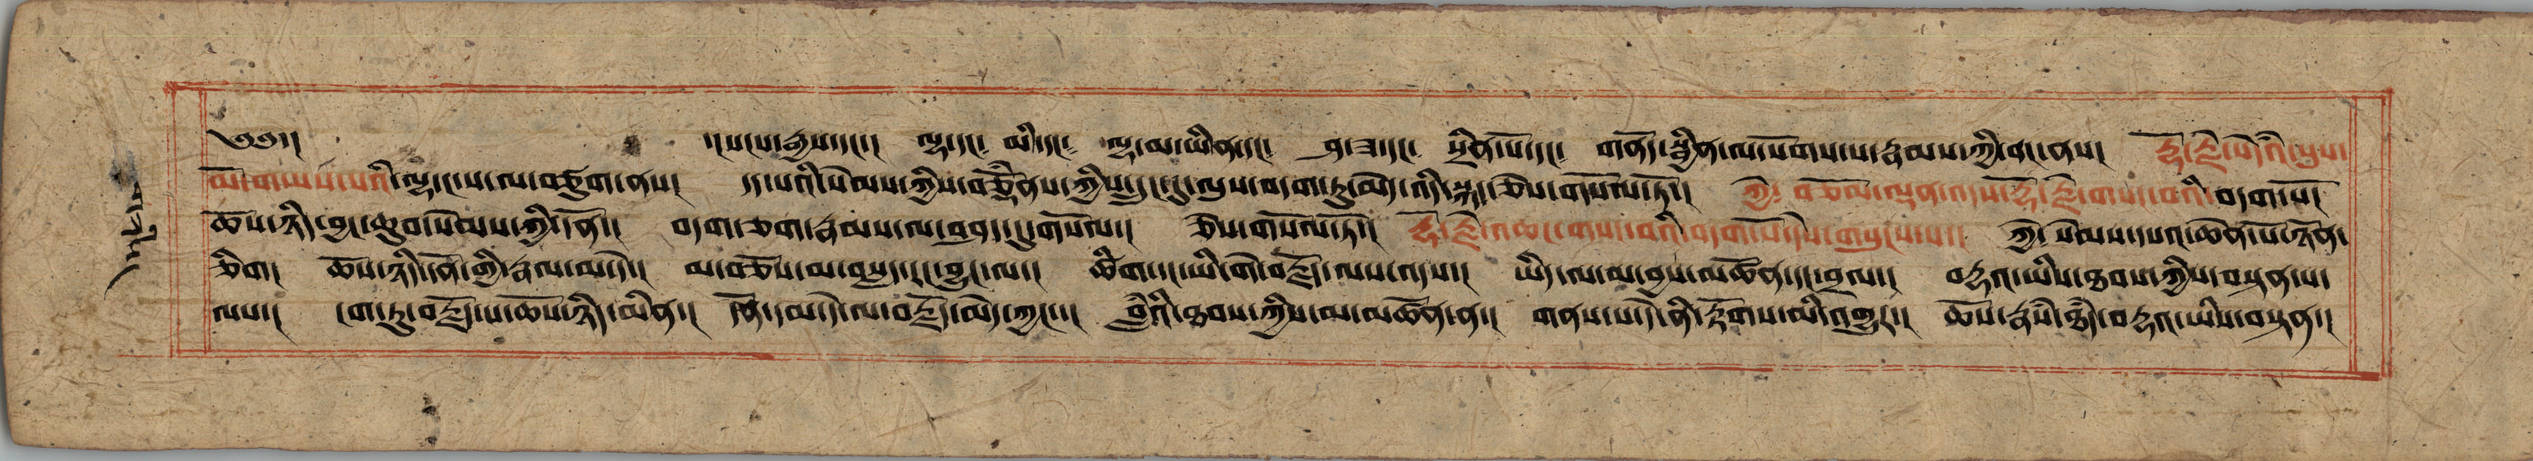༄༅་། ་།སངས་རྒྱས་དང་། ལྷ་དང༴ མི་དང༴ ལྷ་མ་ཡིན་དང༴ ཤ་ཟ་དང༴ སྲིན་པོ་དང༴ གནདོ་སྦྱིན་ལ་སོགས་པ་རྣམས་ཀྱི་ནང་ནས། རྡོ་རྗེ་སེདཾའ་པུས་
མོ་གཡས་པའི་ལྷ་ང་ས་ལ་བཙུག་ནས་། དད་པའི་སེམས་ཀྱིས་བཅྡོཾནས་ཀྱིས་དྲུང་དུ་ལུས་བདག་ཏུ་མེད་འདི་སྐད་ཅེས་གསོལ་ཏོ་། ཀྱེ༴ བཅོམ་ལྡན་འདས་རྡོ་རྗེ་གསང་བའི་བདག་པོ།
ཆོས་ཉིད་བྱང་ཆུབ་སེམས་ཀྱི་དོན་། བདག་ཅག་རྣམས་ལ་བཤད་དུ་གསོལ་། ཅེས་གསོལ་ཏོ་། རྡོ་རྗེ་འཆང་གསང་བའི་བདག་པོ་དེས་གསུངས་པ་། ཀྱེ༴ སེམས་དཔའ་ཆེན་པོ་ཉོན་
ཅིག། ཆོས་ཉིདདོན་གྱི་རྣལ་མ་དེ་། མ་བཅོས་མ་བསླད་རང་བྱུང་ལ་། ཚིག་དང་ཡི་གེ་བརྗོད་ལས་འདས་། ཡིད་ལ་མ་བྱས་མཚོན་དང་བྲལ་། བརྡའ་ཡིས་ཐབས་ཀྱིས་བསྟན་པ་
ལས་། ངག་ཏུ་བརྗོད་པ་ཆོས་ཉིད་མིན་། དོན་དམ་དེ་ལ་བརྗོད་མེད་ཀྱང་་། བླཾའི་ཐབས་ཀྱིས་མ་མཚོན་ན་། གནས་པ་དེ་ནི་རྟོགས་མི་འགྱུར་། ཆོས་རྣཾས་ཐཾད་བརྡའ་ཡིས་བསྟན་།